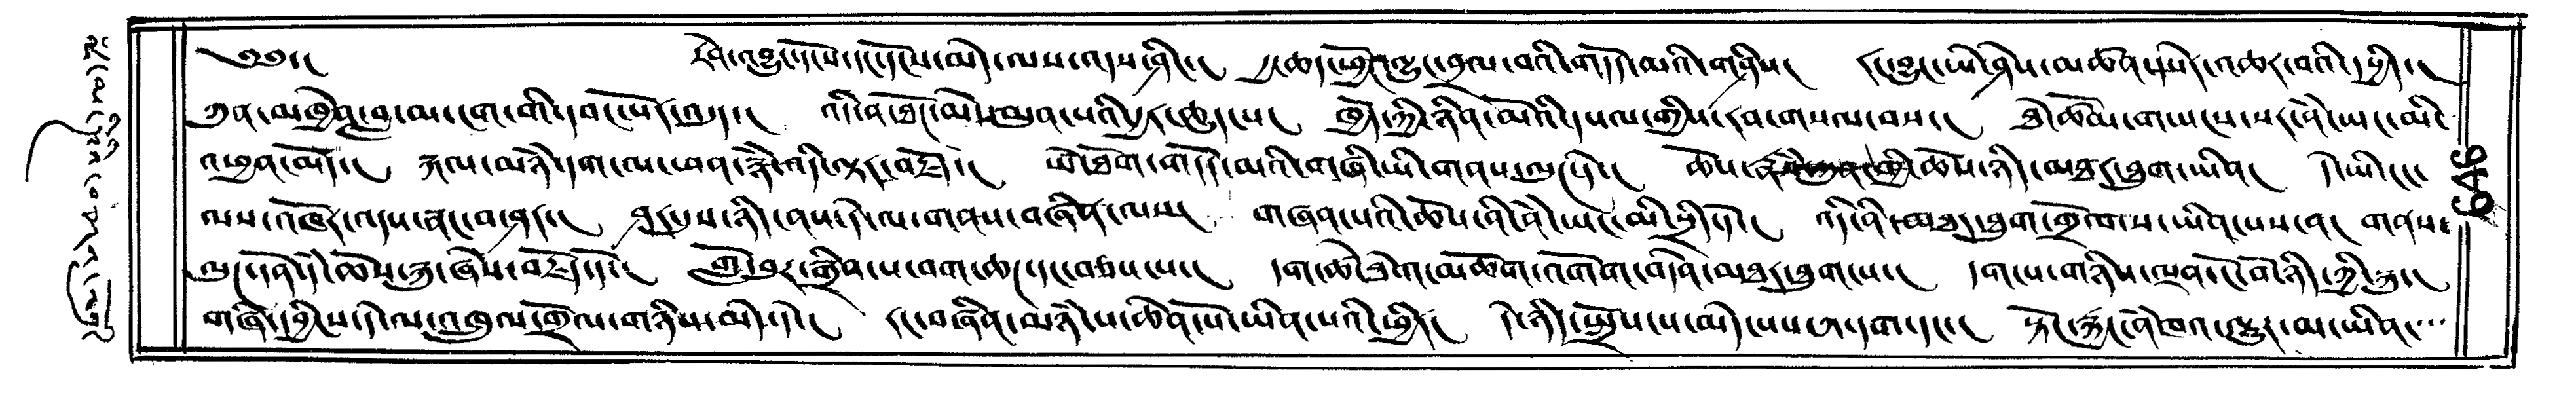རྟེན་འབྱུང་དངོས་དང་དངོས་མེད་ལས་འདས་ཤིང་། །རྒྱ་ཆད་ཕྱོགས་ལྷུང་བྲལ་བའི་གདོད་མའི་གཤིས། །རང་བྱུང་ཡེ་ཤེས་མཚན་དཔེར་འཆར་བའི་དཔྱིད། །
ཀུན་མཁྱེན་བླ་མ་ངག་གི་དབང་པོར་འདུད། །འདི་ན་ཐོག་མེད་མུན་པའི་རྒྱར་ཆུད་པ། །ཁྱོད་ཀྱི་ཉིན་མོའི་དཔལ་གྱིས་རབ་གསལ་བས། །ཐེ་ཚོམ་གཡང་སར་ནམ་ཡང་མི་
འཕྱན་མོད། །སྐལ་མཉམ་དག་ལ་ཕན་སྙམ་འདི་ལྟར་བརྗོད། །ཡེ་ཐོག་གདོད་མའི་གཞི་ཡི་གནས་ལུགས་དེ། །ཆོས་རྣམས་ཀུན་གྱི་ཆོས་ཉིད་མཐར་ཐུག་ཡིན། །དེ་ཡི་ངང་
ལས་འཁོར་འདས་སྣང་བ་ཤར། །ཤར་དུས་ཉིད་ནས་དེ་ལ་གནས་བཞིན་ལས། །གཞན་པའི་ཆོས་ནི་ནམ་ཡང་མི་སྲིད་དོ། །འདི་ནི་མཐར་ཐུག་གྲོལ་ས་ཡིན་པས་ན། །གནས་
ལུགས་དོན་དམ་ཆོས་སྐུ་ཞེས་བརྗོད་དོ། །གློ་བུར་སྒྲིང་པ་བག་ཆགས་དང་བཅས་པ། །དག་ཚེ་ཐེག་མཆོག་འགོག་བདེན་མཐར་ཐུག་པ། །དག་པ་གཉིས་ལྡན་ངོ་བོ་ཉིད་ཀྱི་སྐུ། །
གཞི་དབྱིངས་དེ་ལ་འཁྲུལ་གྲོལ་གཉིས་མེད་དེ། །རང་བཞིན་མཉམ་པ་ཆེན་པོ་ཡིན་པའི་ཕྱིར། །དེ་ཉིད་སྤྲོས་པ་མེད་པས་ཀ་དག་དང་། །སྟོང་རྐྱང་ནམ་མཁའ་ལྟ་བུར་མ་ཡིན་